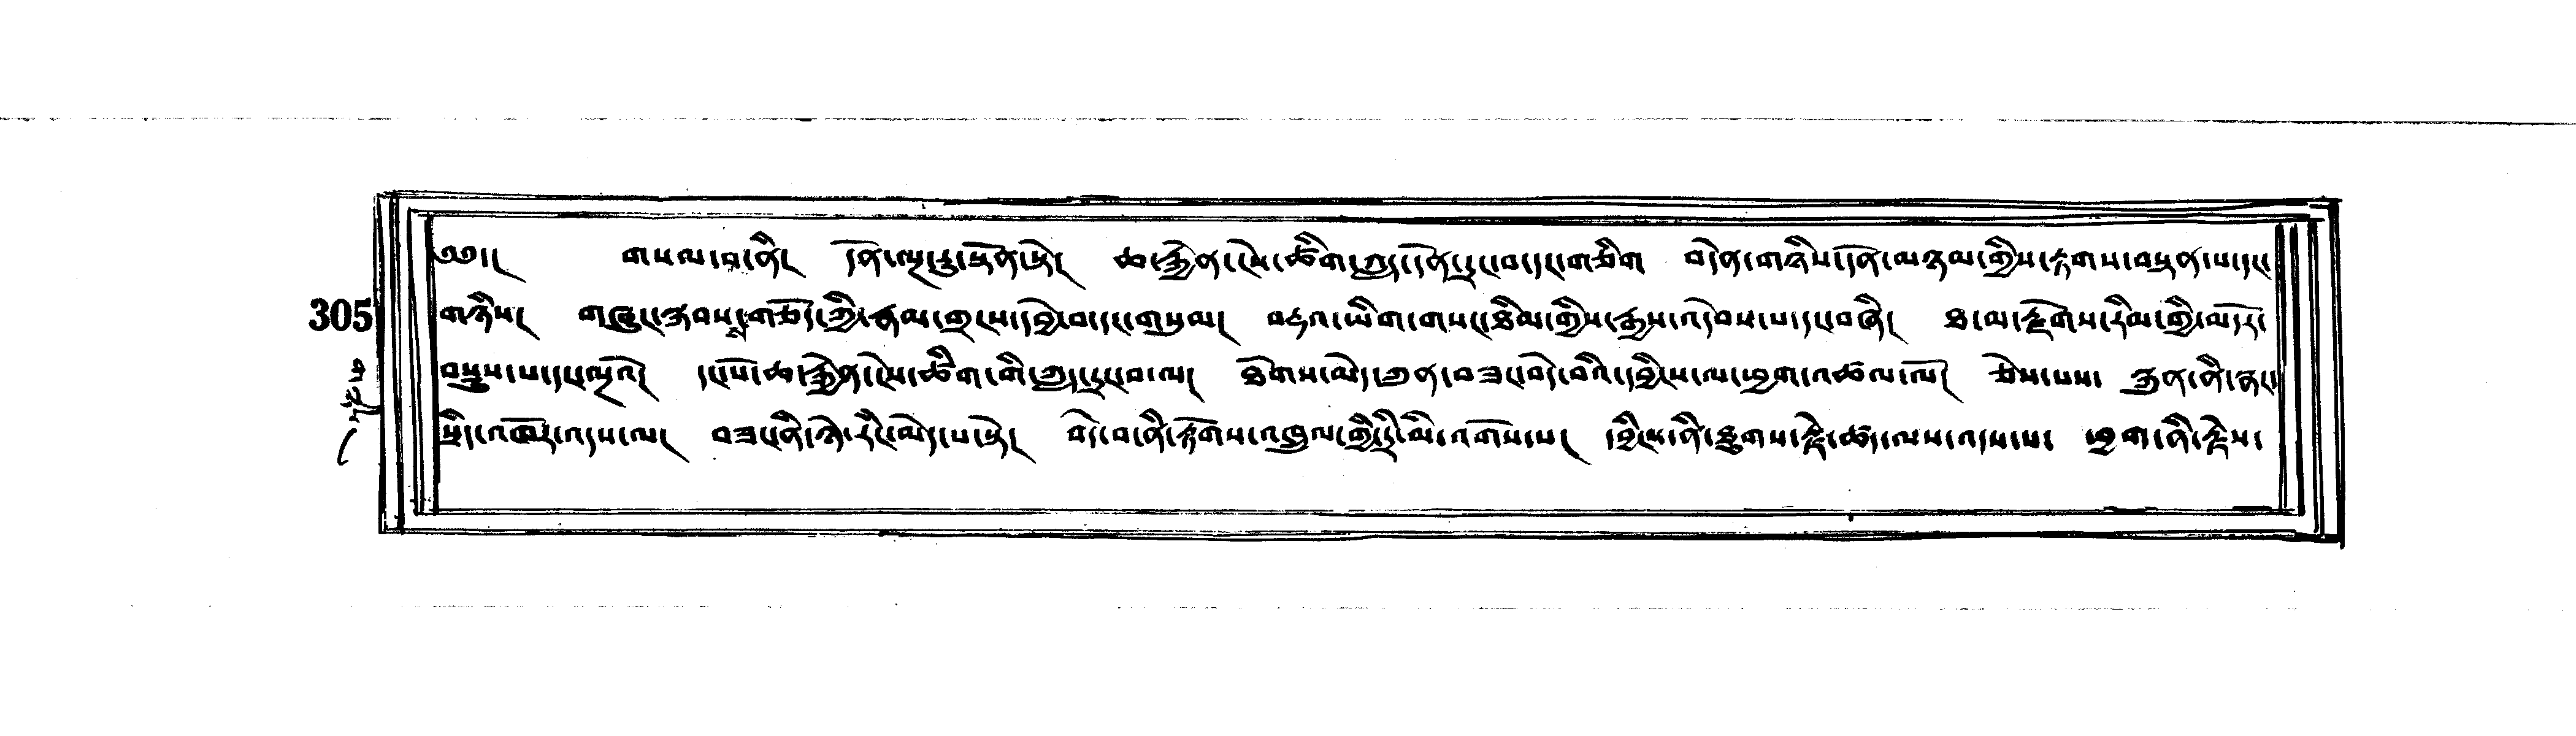གསལ་བ་ནི། དོན་ལྔ་རུ་སྟོན་ཏེ། ཆ་རྐྱེན་ངེས་ཚིག་ཀླད་དོན་དྲང་བ་དང་གཅིག བདེན་གཉིས་དོ་མཉམ་གྱིས་རྟགས་སྟོན་པ་དང་
གཉིས། གཞུང་སྐབས་ས་གཅོད་ཀྱི་རྣམ་གྲངས་དབྱེ་བ་དང་གསུམ། བརྡ་ཡིག་གསང་ཐེམ་གྱིས་རྒྱས་འདེབས་པ་དང་བཞི། ཐ་མ་རྫོགས་རིམ་གྱིས་མདོར་
བསྡུས་པ་དང་ལྔའོ། དང་པོ་ཆ་རྐྱེན་ངེས་ཚིག་གི་ཀླད་དྲང་བ་ལ། ཐོགས་མེད་ཀུན་བཟང་བདེ་བའི་དབྱིངས་ལ་ཕྱག་འཚལ་ལོ། ཅེས་པས་ཀུན་ནི་སྣང་
སྲིད་འཁོར་འདས་ལ། བཟང་ནི་ཉེ་རིང་མེད་པ་སྟེ། བདེ་བ་ནི་རྟོག་འཁྲུལ་གྱི་དྲི་མས་མ་གོས་པ། དབྱིངས་ནི་ཐུས་རྗེ་ཚད་ལས་འདས་པ། ཕྱག་ནི་རྗེས་